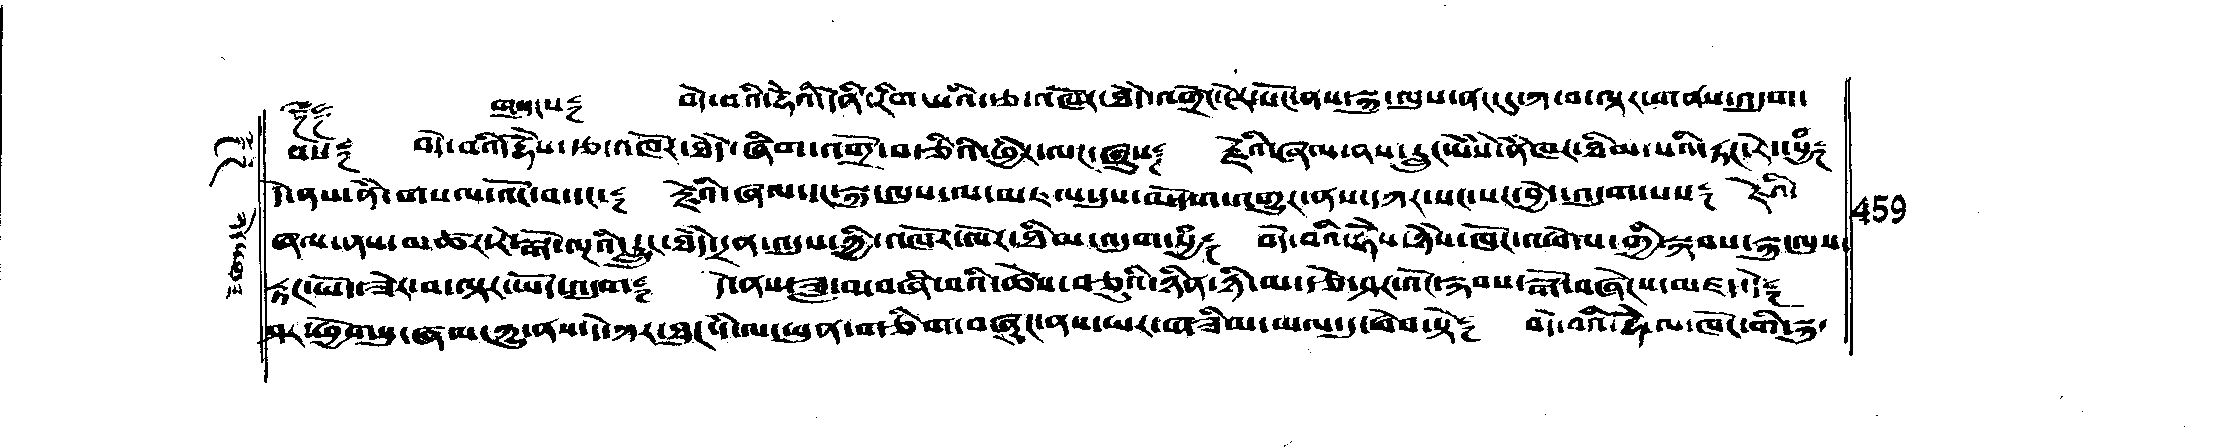གསུངས། བདེ་བའི་རྡོ་རྗེས་དེ་བཞིན་རེག་པས་རྩ་འཁོར་ཐམས་ཅད་འགྲེང་ངེར་སོང་ནས་སྐུ་ལུས་ནང་དུ་ཀ་བ་ལྟར་གནས་འདུག་
པས། བདེ་བའི་རྡོ་རྗེས་རྩ་འཁོར་ཐམས་ཅད་ཞིག་འགྲོ་བ་ཅིའི་ཕྱིར་ལགས་ཞུས། རྗེའི་ཞལ་ནས་རླུང་སེམས་ནམ་མཁར་ཐིམ་པའི་རྟགས་རེད་གསུངས། 
དེ་ནས་ནམ་གསལ་ལ་འོང་བ་དང་། རྗེའི་ཞལ་དང་སྐུ་ལུས་ལ་མཇལ་དུས་མདོག་འགྱུར་ནས་དཀར་སང་སང་བྱེད་འདུག་པས། རྗེའི་
ཞལ་ནས་མཚར་རེ་སྒོ་ལྔའི་རླུག་ཐམས་ཅད་དྲན་འདུས་ཀྱི་འཁོར་ལོར་ཐིམ་འདུག་གསུངས། བདེ་བའི་རྡོ་རྗེས་ཉམས་གོང་འཕེལ་གྱི་སྐབས་སྐུ་ལུས་
རྟགས་ཡོད་ཟེར་བ་ལྟར་ཡོད་འདུག དེ་ནས་ཟླ་བ་བཞི་པའི་ཚེས་བཅུའི་ཉིན་ཉི་མ་རྩེ་ཤར་འོང་སྐབས་སྒོ་བཞེངས་མཛད་དེ། 
ཤར་ཕྱོགས་སུ་ཞལ་ཀྱུ་༼གཅུ་?༽ནས་དེ་ཀར་ཐུགས་དམ་ལ་ཡུན་གཅིག་བཞུགས་ནས་ཡར་གཟིམ་མལ་དུ་ཕེབ་སྟེ།བདེ་བའི་རྡོ་རྗེ་ལ་ཁོང་གི་སྐུ་